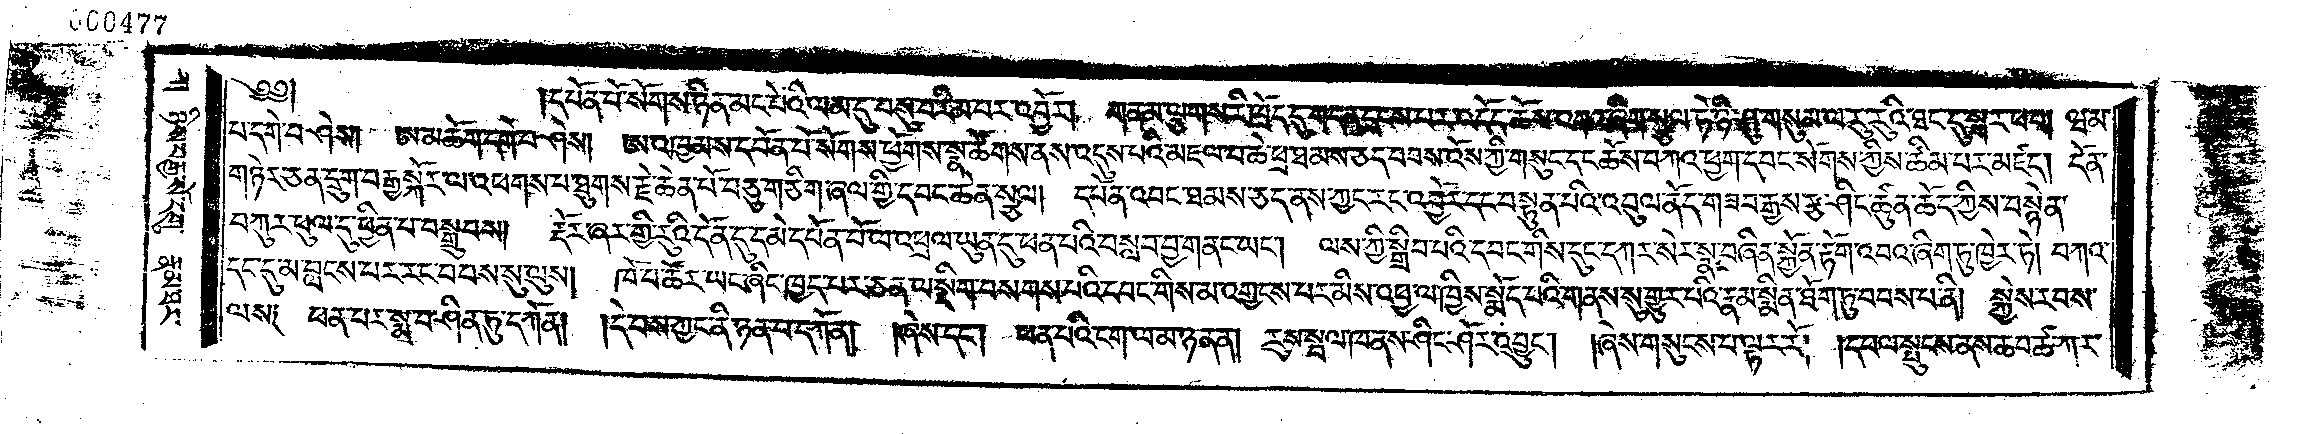༄༅། །དཔོན་པོ་སོགས་ཉིན་མང་པོའི་ལམ་དུ་བསུ་བ་རིམ་པར་འབྱོར། གནམ་ལྕགས་རི་ཁྲོད་དུ་གདན་དྲངས་པར་འདོད་ཆོས་འགའ་ཞིག་སྩལ་ཏེ་ཉི་ཤུ་གསུམ་ལ་རུ་རུའི་ཐང་དུ་སྒར་ཕབ། ཝམ་
པ་དགེ་བཤེས། ཨ་མཆོག་དགེ་བཤེས། ཨ་འཁྱམས་དབོན་པོ་སོགས་ཕྱོགས་སྣ་ཚོགས་ནས་འདུས་པའི་མཇལ་བ་ཆེ་ཕྲ་ཐམས་ཅད་བབས་འོས་ཀྱི་གསུང་དང་ཆོས་བཀའ་ཕྱག་དབང་སོགས་ཀྱིས་ཚིམ་པར་མཛད། དོན་
གཏེར་ཅན་དྲུག་བརྒྱ་སྐོར་ལ་འཕགས་པ་ཐུགས་རྗེ་ཆེན་པོ་བཅུ་གཅིག་ཞལ་གྱི་དབང་ཆེན་སྩལ། དཔོན་འབངས་ཐམས་ཅད་ནས་ཀྱང་རང་འབྱོར་དང་བསྟུན་པའི་འབུལ་ནོད་གཟབ་རྒྱས་རྩ་ཤིང་ཚུན་ཆོད་ཀྱིས་བསྙེན་
བཀུར་ཕུལ་དུ་ཕྱིན་པ་བསྒྲུབས། རྡོར་ཞར་གྱི་རུའི་དོན་དུ་དམེ་དབོན་པོ་ལ་འཕྲལ་ཡུན་དུ་ཕན་པའི་བསླབ་བྱ་གནང་ཡང་། ལས་ཀྱི་སྒྲིབ་པའི་དབང་གིས་དུང་དཀར་སེར་སྣ་བཞིན་སྐྱོན་རྟོག་འབའ་ཞིག་ཏུ་ཁྱེར་ཏེ། བཀའ་
དང་དུ་མ་བླངས་པར་རང་བབས་སུ་ལུས། ཁོ་པ་ཚོར་ཡང་ཞིང་ཁྱད་པར་ཅན་ལ་སྡིག་བསགས་པའི་དབང་གིས་མ་འགྱངས་པར་མིས་འཕྱ་ལ་ཁྱིས་སྨོད་པའི་གནས་སུ་གྱུར་པའི་རྣམ་སྨིན་ཐོག་ཏུ་བབས་པ་ནི། སྐྱེས་རབས་
ལས༑ ཕན་པར་སྨྲ་བ་ཤིན་ཏུ་དཀོན། །དེ་བས་ཀྱང་ནི་ཉན་པ་དཀོན། །ཞེས་དང་། ཕན་པའི་ངག་ལ་མ་ཉན་ན། རུས་སྦལ་ཁ་ནས་ཤིང་ཤོར་འབྱུང་། །ཞེས་གསུངས་པ་ལྟར་རོ། །དཔལ་སྤུངས་ནས་ཆབ་ཚ་ཀར་